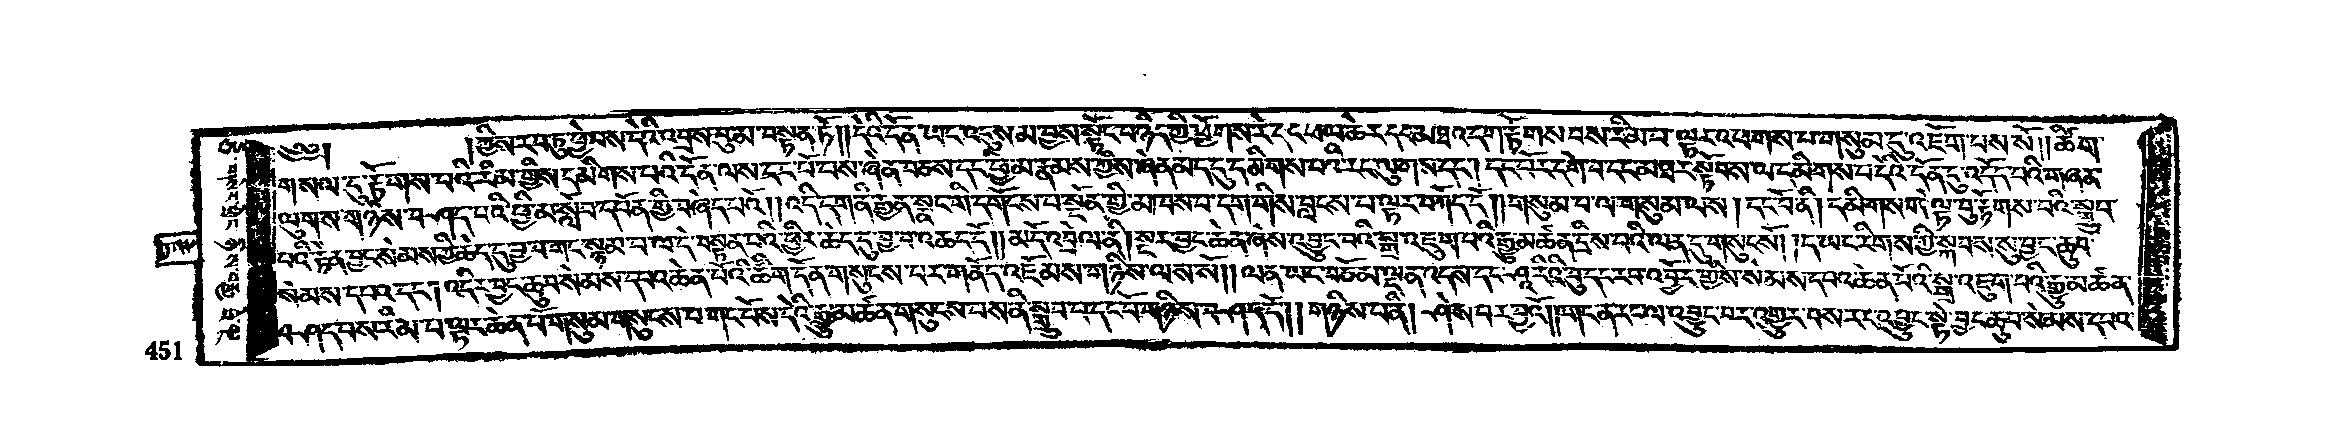༄༅། །ཀྱིས་རབ་ཏུ་ཕྱེ་བས་དེའི་འབྲས་བུ་མ་བསྟན་ཏོ། །དེའི་དོན་ཡང་འདུས་མ་བྱས་སྟོང་པ་ཉིད་ཀྱི་ཕྱོགས་རེ་དང་ཕལ་ཆེར་དང་མཐའ་དག་རྟོགས་པས་རིམ་པ་ལྟར་འཕགས་པ་གསུམ་དུ་འཇོག་པས་སོ། །ཚིག་
གསལ་དུ་རྟོགས་པའི་རིམ་གྱིས་དམིགས་པའི་དོན་ལས་དང་པོ་པས་ཞེན་བཅས་དང་ཕྱི་མ་རྣམས་ཀྱིས་ཞེན་མེད་དུ་དམིགས་པའི་རང་ལུགས་དང་། དང་པོར་དགེ་བ་དང་མཐར་སྟོབས་ལ་དམིགས་པ་དེའི་དོན་དུ་འདོད་པའི་གཞན་
ལུགས་གཉིས་བཤད་པའི་ཕྱི་མ་སློབ་དཔོན་གྱི་བཞེད་པའོ། །འདི་དག་ནི་རྒྱན་སྣང་གི་དགོངས་པ་སྔོན་གྱི་མཁས་པ་དག་གིས་བླངས་པ་ལྟར་བཀོད་དོ། །གསུམ་པ་ལ་གསུམ་ལས། དང་པོ་ནི། དམིགས་བདེ་ལྟ་བུ་རྟོགས་པའི་སྒྲུབ་
པའི་རྟེན་བྱང་སེམས་ཀྱི་ཆེད་དུ་བྱ་བ་གང་སྙམ་པ་ལ་དེ་བསྟན་པའི་ཕྱིར་ཆེད་དུ་བྱ་བ་འཆད་དོ། །མདོ་འབྲེལ་ནི། སྔར་བྱང་ཆེན་ཞེས་འབྱུང་བའི་སྒྲ་འཇུག་པའི་རྒྱུ་མཚན་དྲིས་པའི་ལན་དུ་གསུངས་སོ། །དེ་ཡང་རིགས་ཀྱི་སྐབས་སུ་བྱང་ཆུབ་
སེམས་དཔའ་དང་། འདིར་བྱང་ཆུབ་སེམས་དཔའ་ཆེན་པོའི་ཚིག་དོན་གསུངས་པར་གནོད་འཇོམས་གཉིས་ལས་སོ། །ལན་ཡང་བཅོམ་ལྡན་འདས་དང་ཤཱ་རིའི་བུ་དང་རབ་འབྱོར་གྱིས་སེམས་དཔའ་ཆེན་པོའི་སྒྲ་འཇུག་པའི་རྒྱུ་མཚན་
བཤད་པས་རིམ་པ་ལྟར་ཆེན་པོ་གསུམ་གསུངས་པ་གང་པོས་དེའི་རྒྱུ་མཚན་གསུངས་པས་ནི་སྒྲུབ་པ་དང་པོ་གཉིས་བཤད་དོ། །གཉིས་པ་ནི། ཤེས་པར་བྱའོ། །གང་ན་རང་ལ་འབྱུང་བར་འགྱུར་བས་རང་འབྱུང་སྟེ་བྱང་ཆུབ་སེམས་དཔའ་